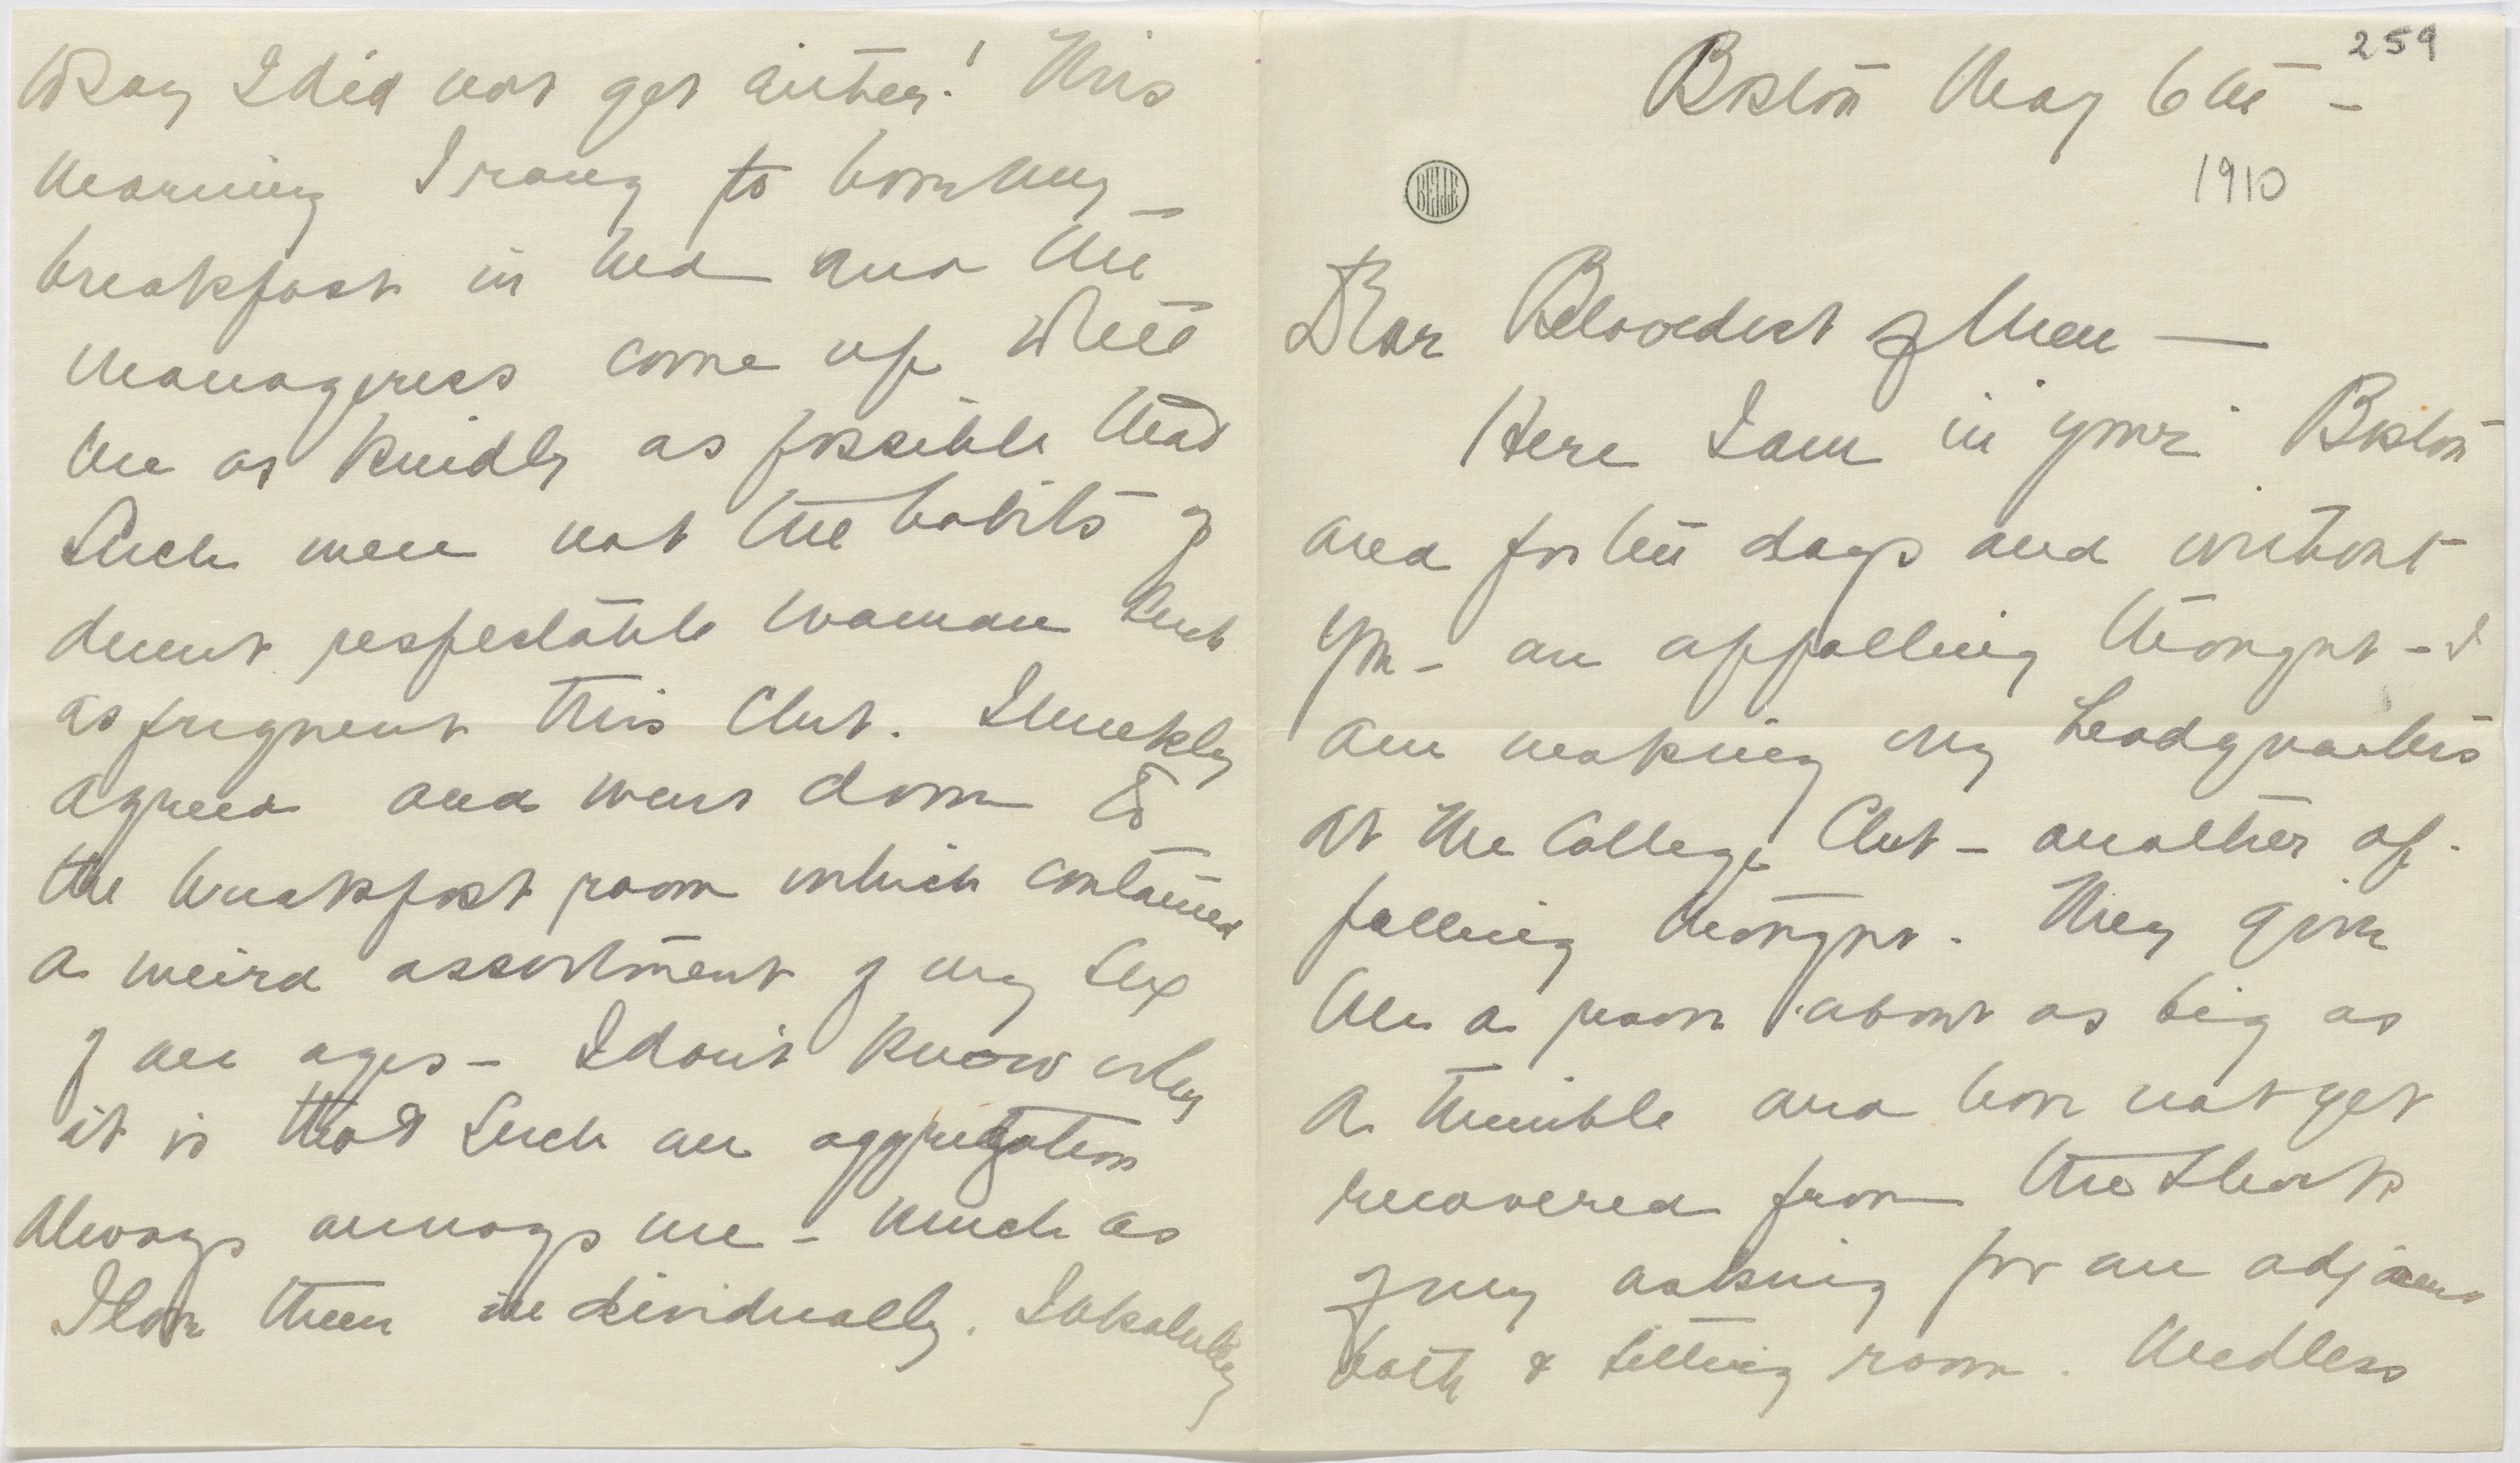Boston May 6th –
Dear Belovedest of Men –
Here I am in “your” Boston and for ten days and without you – an appalling thought – I am making my headquarters at the College Club – another appalling thought. They give me a room about as big as a thimble and have not yet recovered from the shock of my asking for an adjacent bath & sitting room. Needless
to say I did not get either! This morning I rang to have my breakfast in bed and the manageress came up to tell me as kindly as possible that such were not the habits of decent respectable women such as frequent this club. I meekly agreed and went down to the breakfast room which contained a weird assortment of my sex of all ages – I don’t know why it is that such an aggregation always annoys me – much as I love them individually. I absolutely